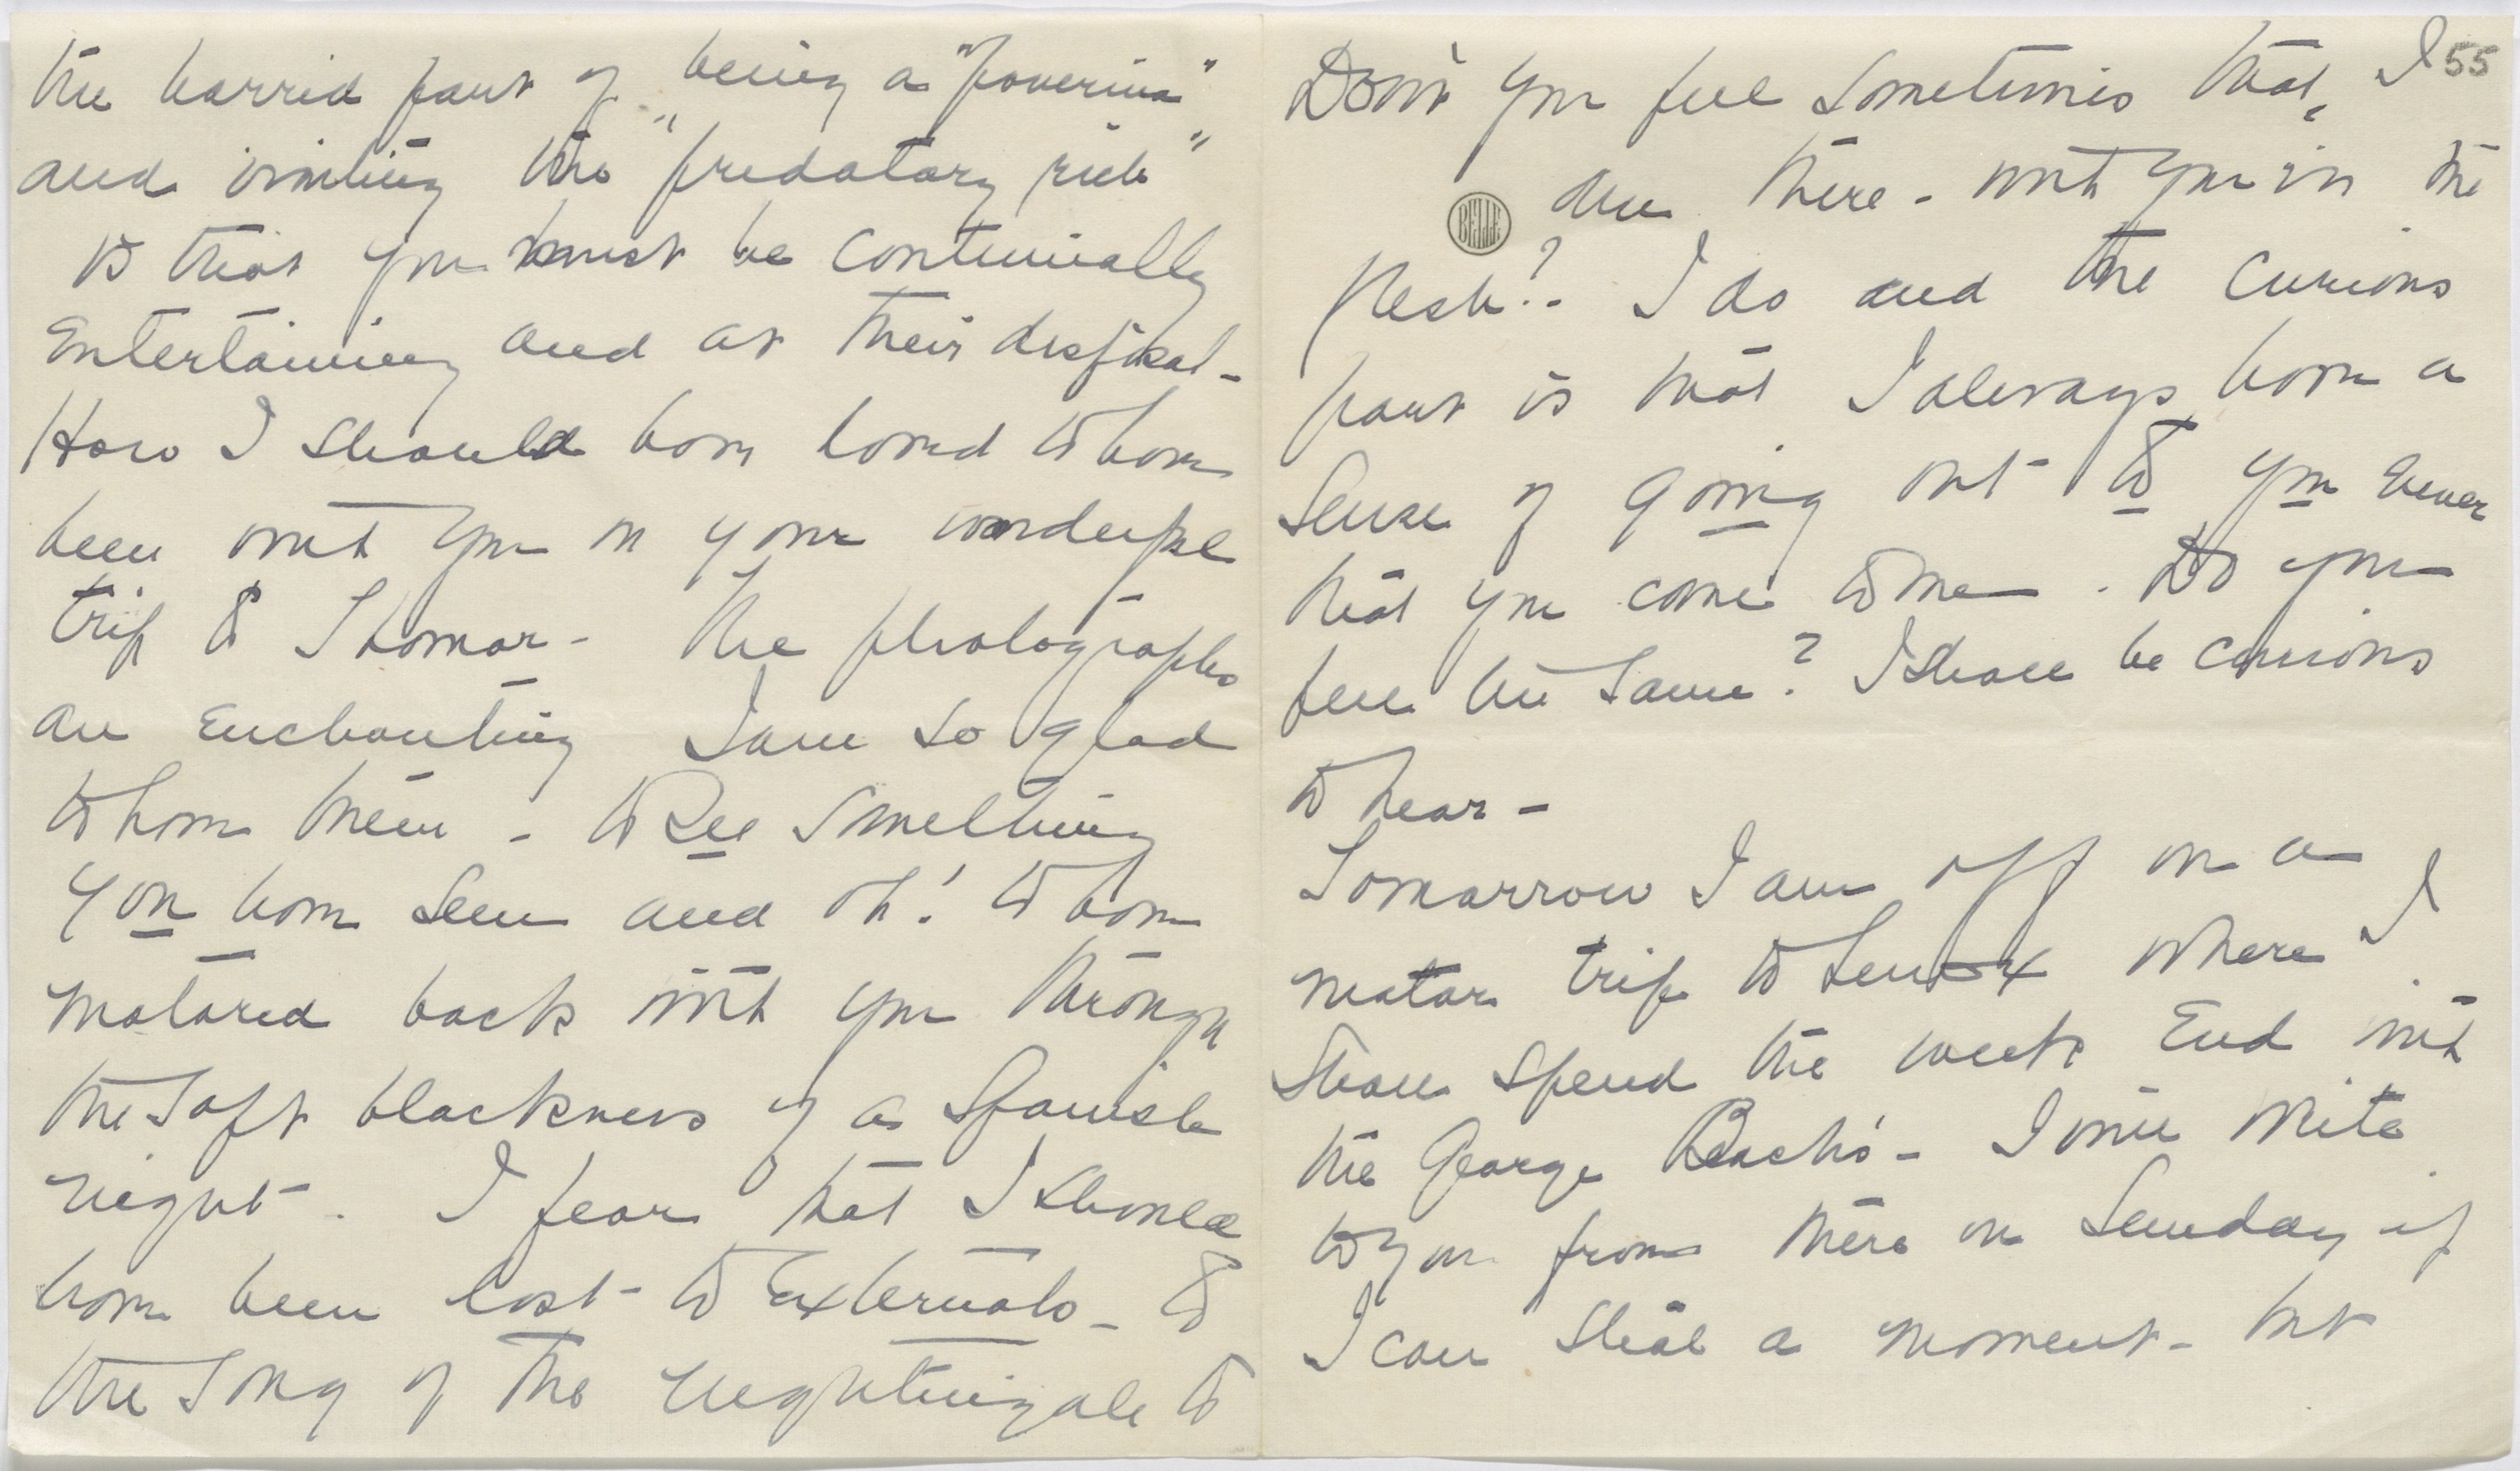Don’t you feel sometimes that I am there – with you in the flesh? – I do and the curious part is that I always have a sense of going out to you never that you come to me. Do you feel the same? I shall be curious to hear –
Tomorrow I am off on a motor trip to Lenox where I shall spend the week end with the George Beachs’ – I will write to you from there on Sunday if I can steal a moment – but
the horrid part of being a “poverina” and visiting the “predatory rich” is that you must be continually entertaining and at their disposal – How I should have loved to have been with you on your wonderful trip to Thomar – The photographs are enchanting I am so glad to have them – to see something you have seen and oh! to have motored back with you through the soft blackness of a Spanish night. I fear that I should have been lost to externals – to the song of the nightingale to